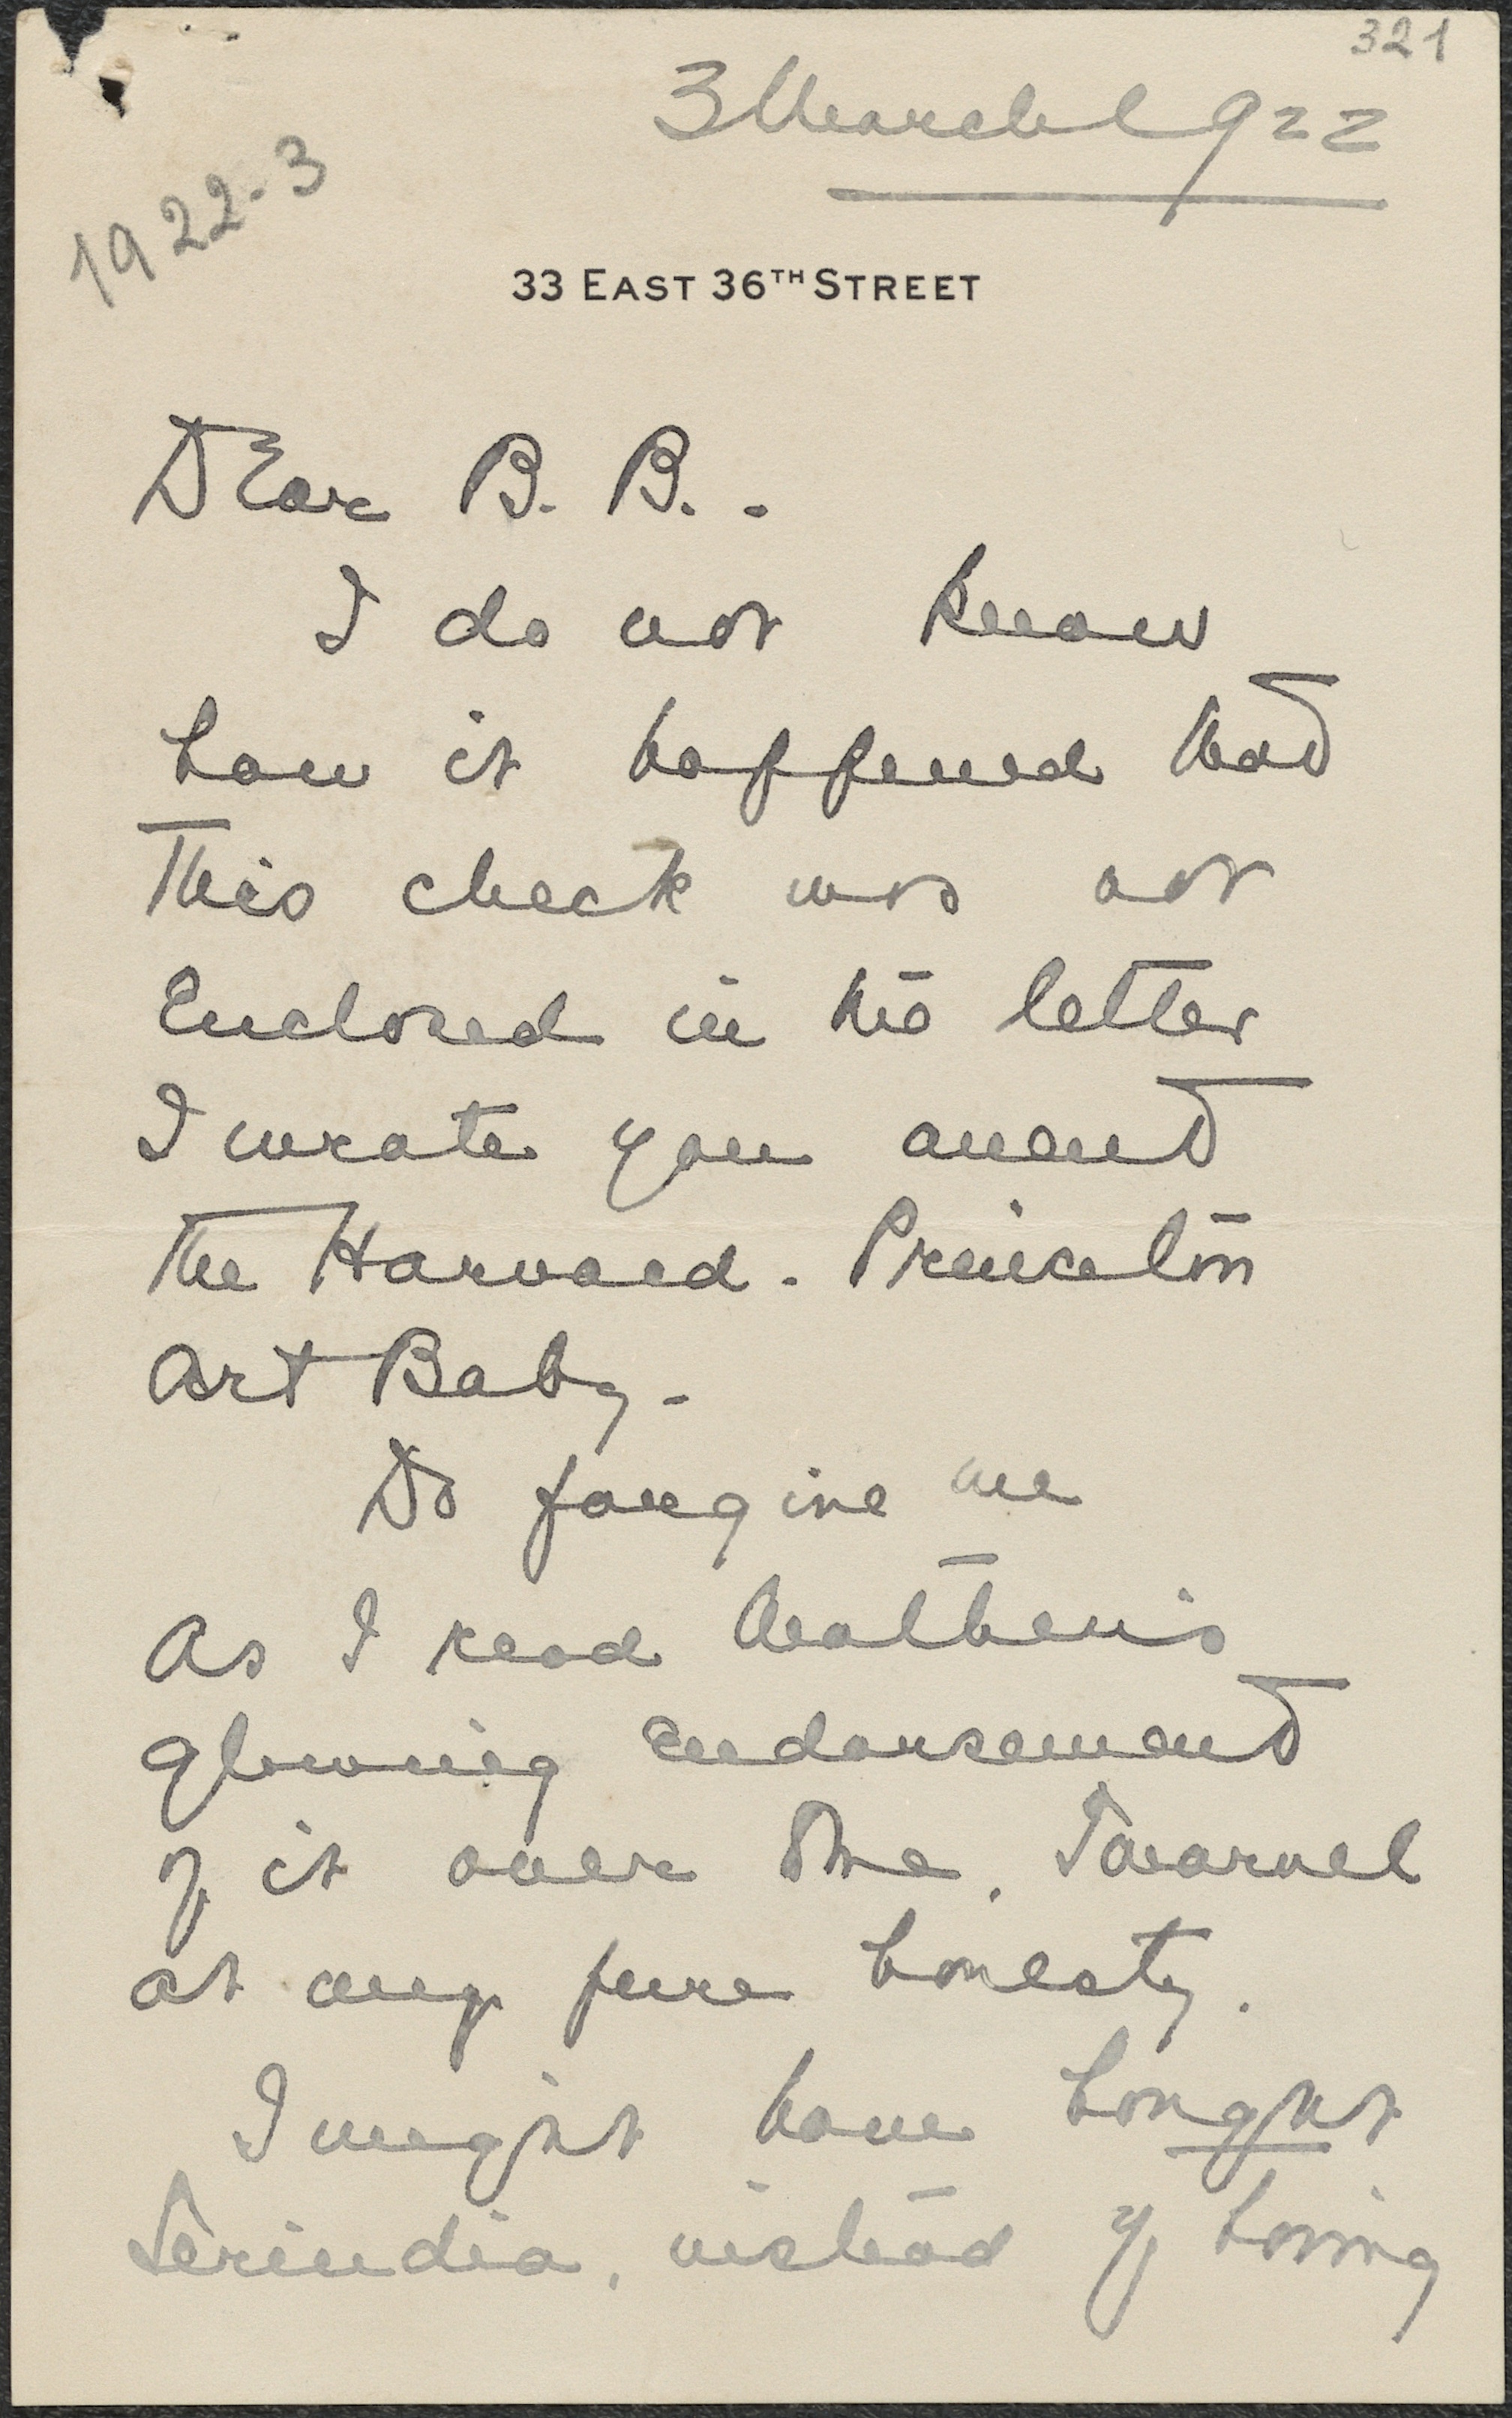3 March 1922
Dear B. B. –
I do not know how it happened that this check was not enclosed in the letter I wrote you anent the Harvard-Princeton Art Baby –
Do forgive me as I read Mather’s glowing endorsement of it over to the Journal at my pure honesty.
I might have bought Serindia, instead of having